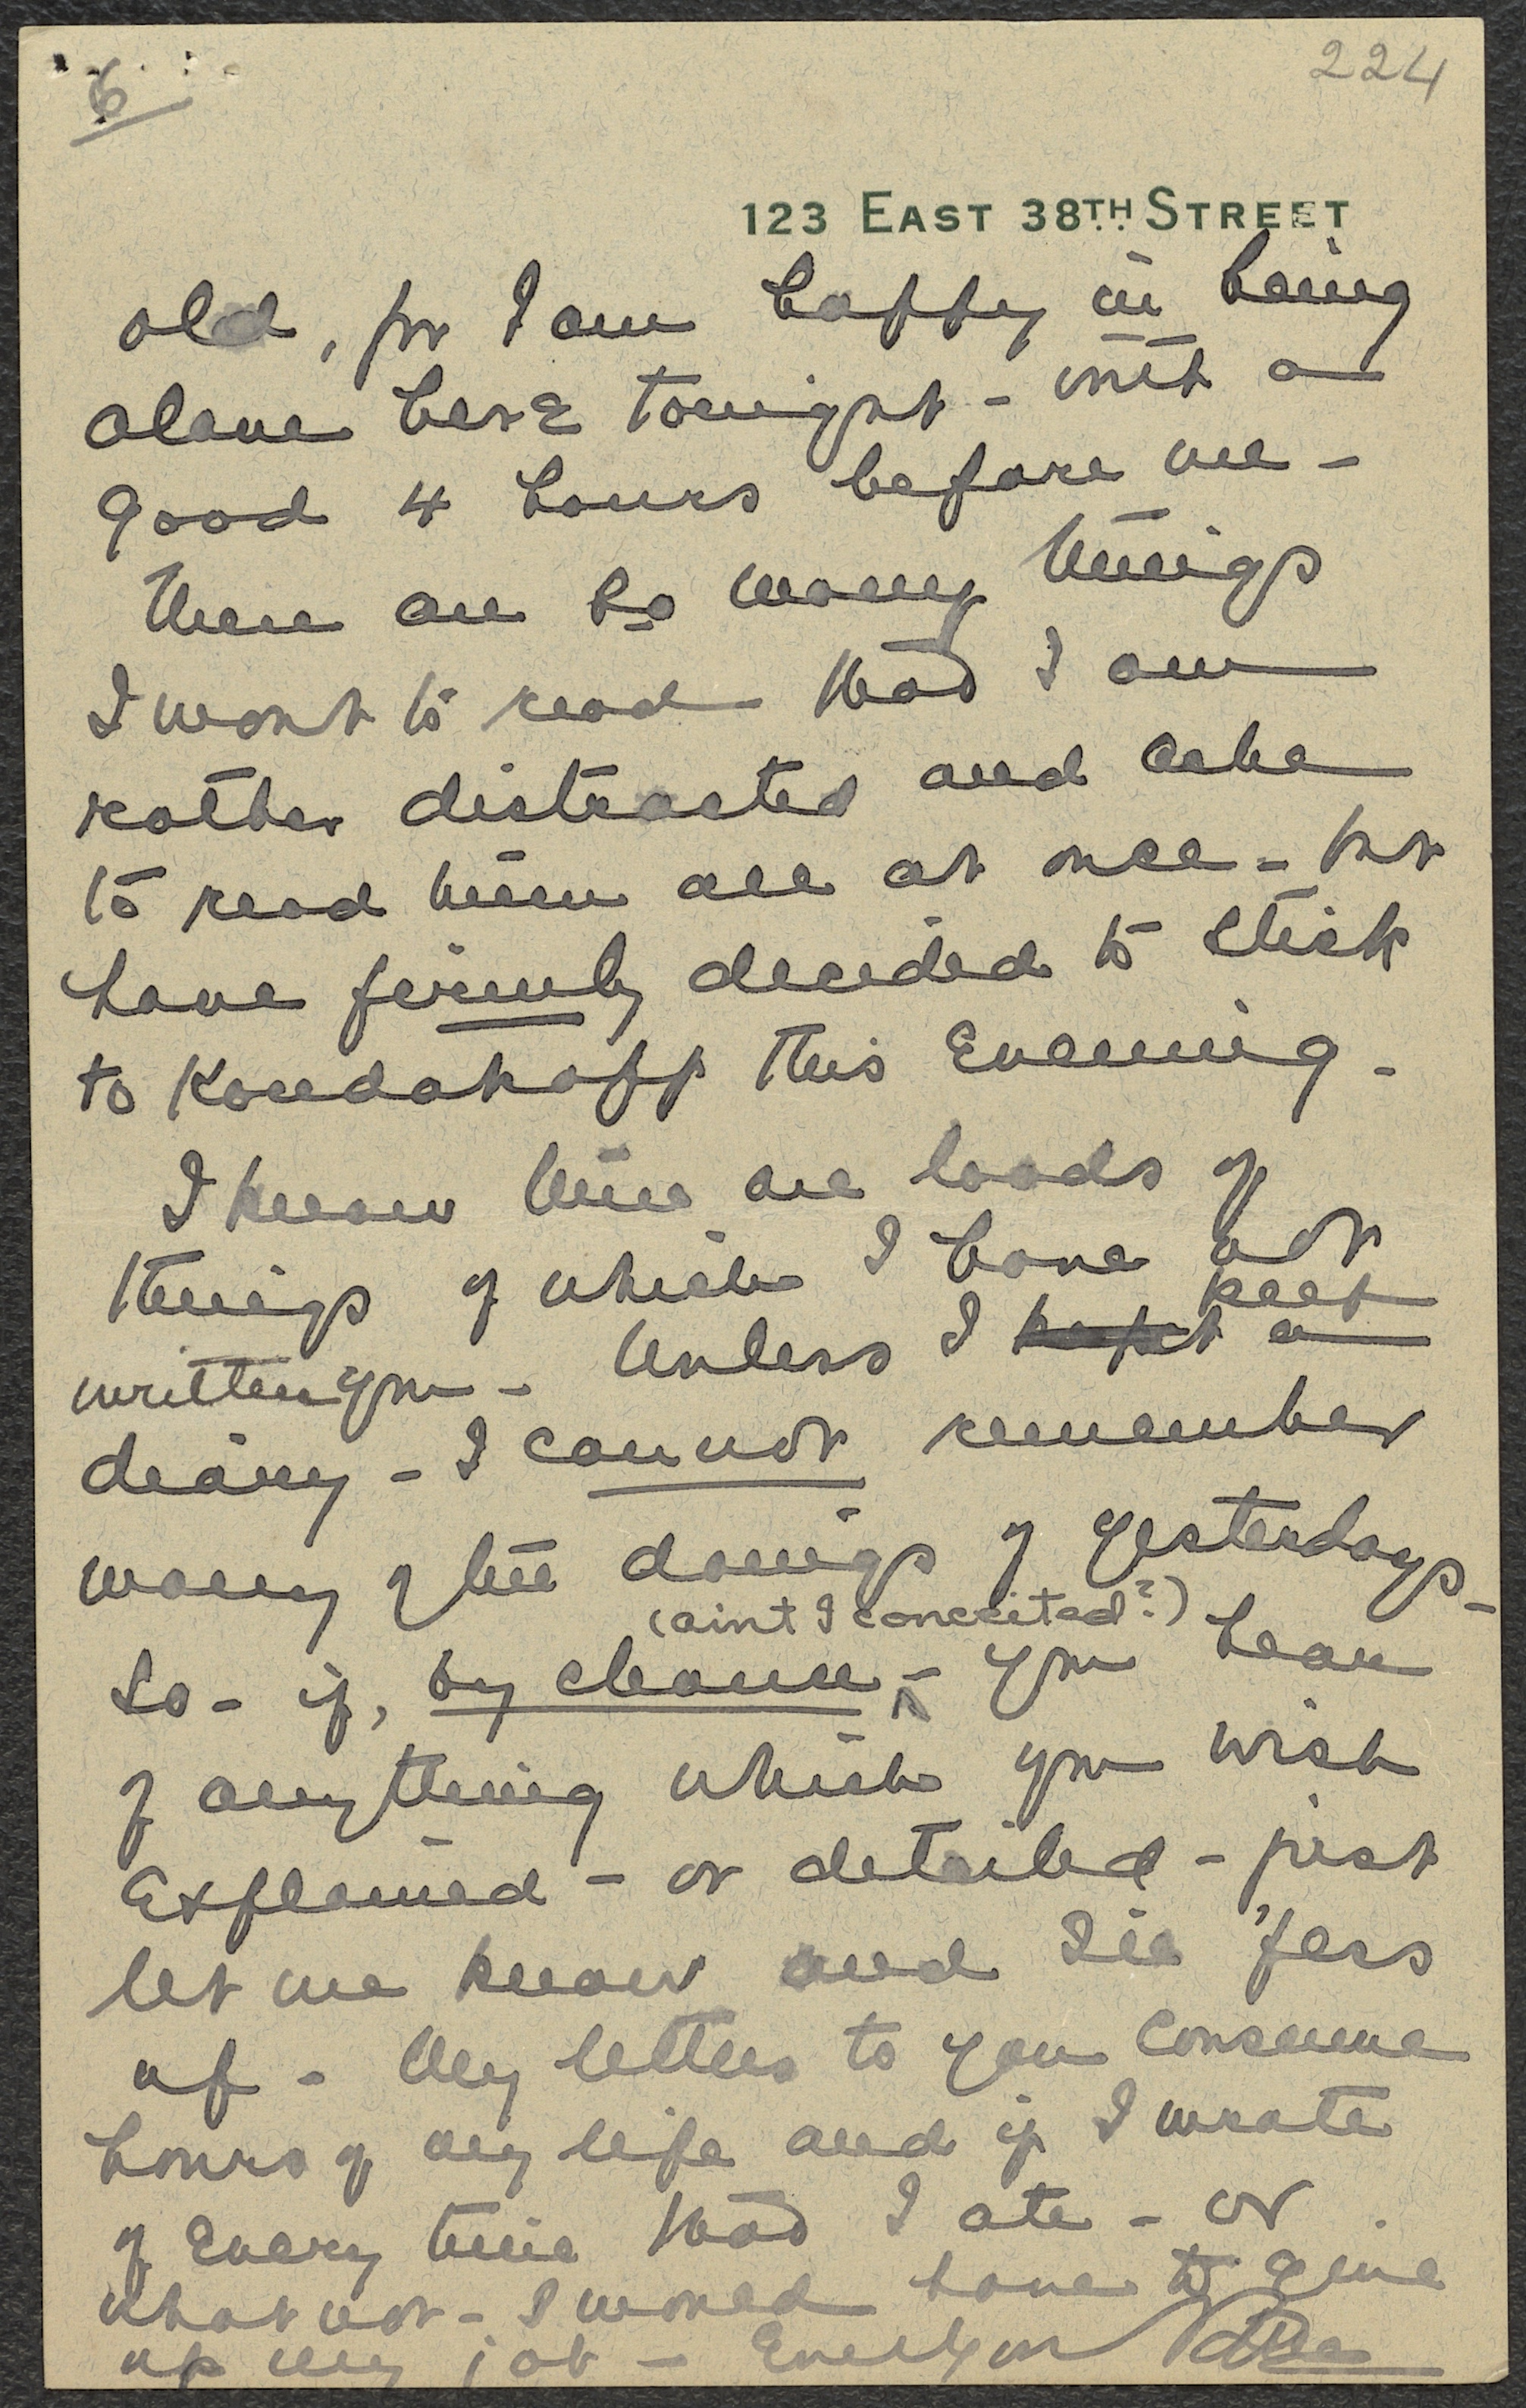old, for I am happy in being alone here tonight – with a good 4 hours before me –
There are so many things I want to read that I am rather distracted and ache to read them all at once – but have firmly decided to stick to Kondakoff this evening –
I know there are loads of things of which I have not written you – Unless I kept [^keep^] a diary – I cannot remember many of the doings of yesterdays – So – if, by chance [^(ain’t I conceited?)^] – you hear of anything which you wish explained – or detailed – just let me know and I’ll ‘fess up – My letters to you consume hours of my life and if I wrote of every time that I ate – or what not – I would have to give up my job – Ever Your – Belle